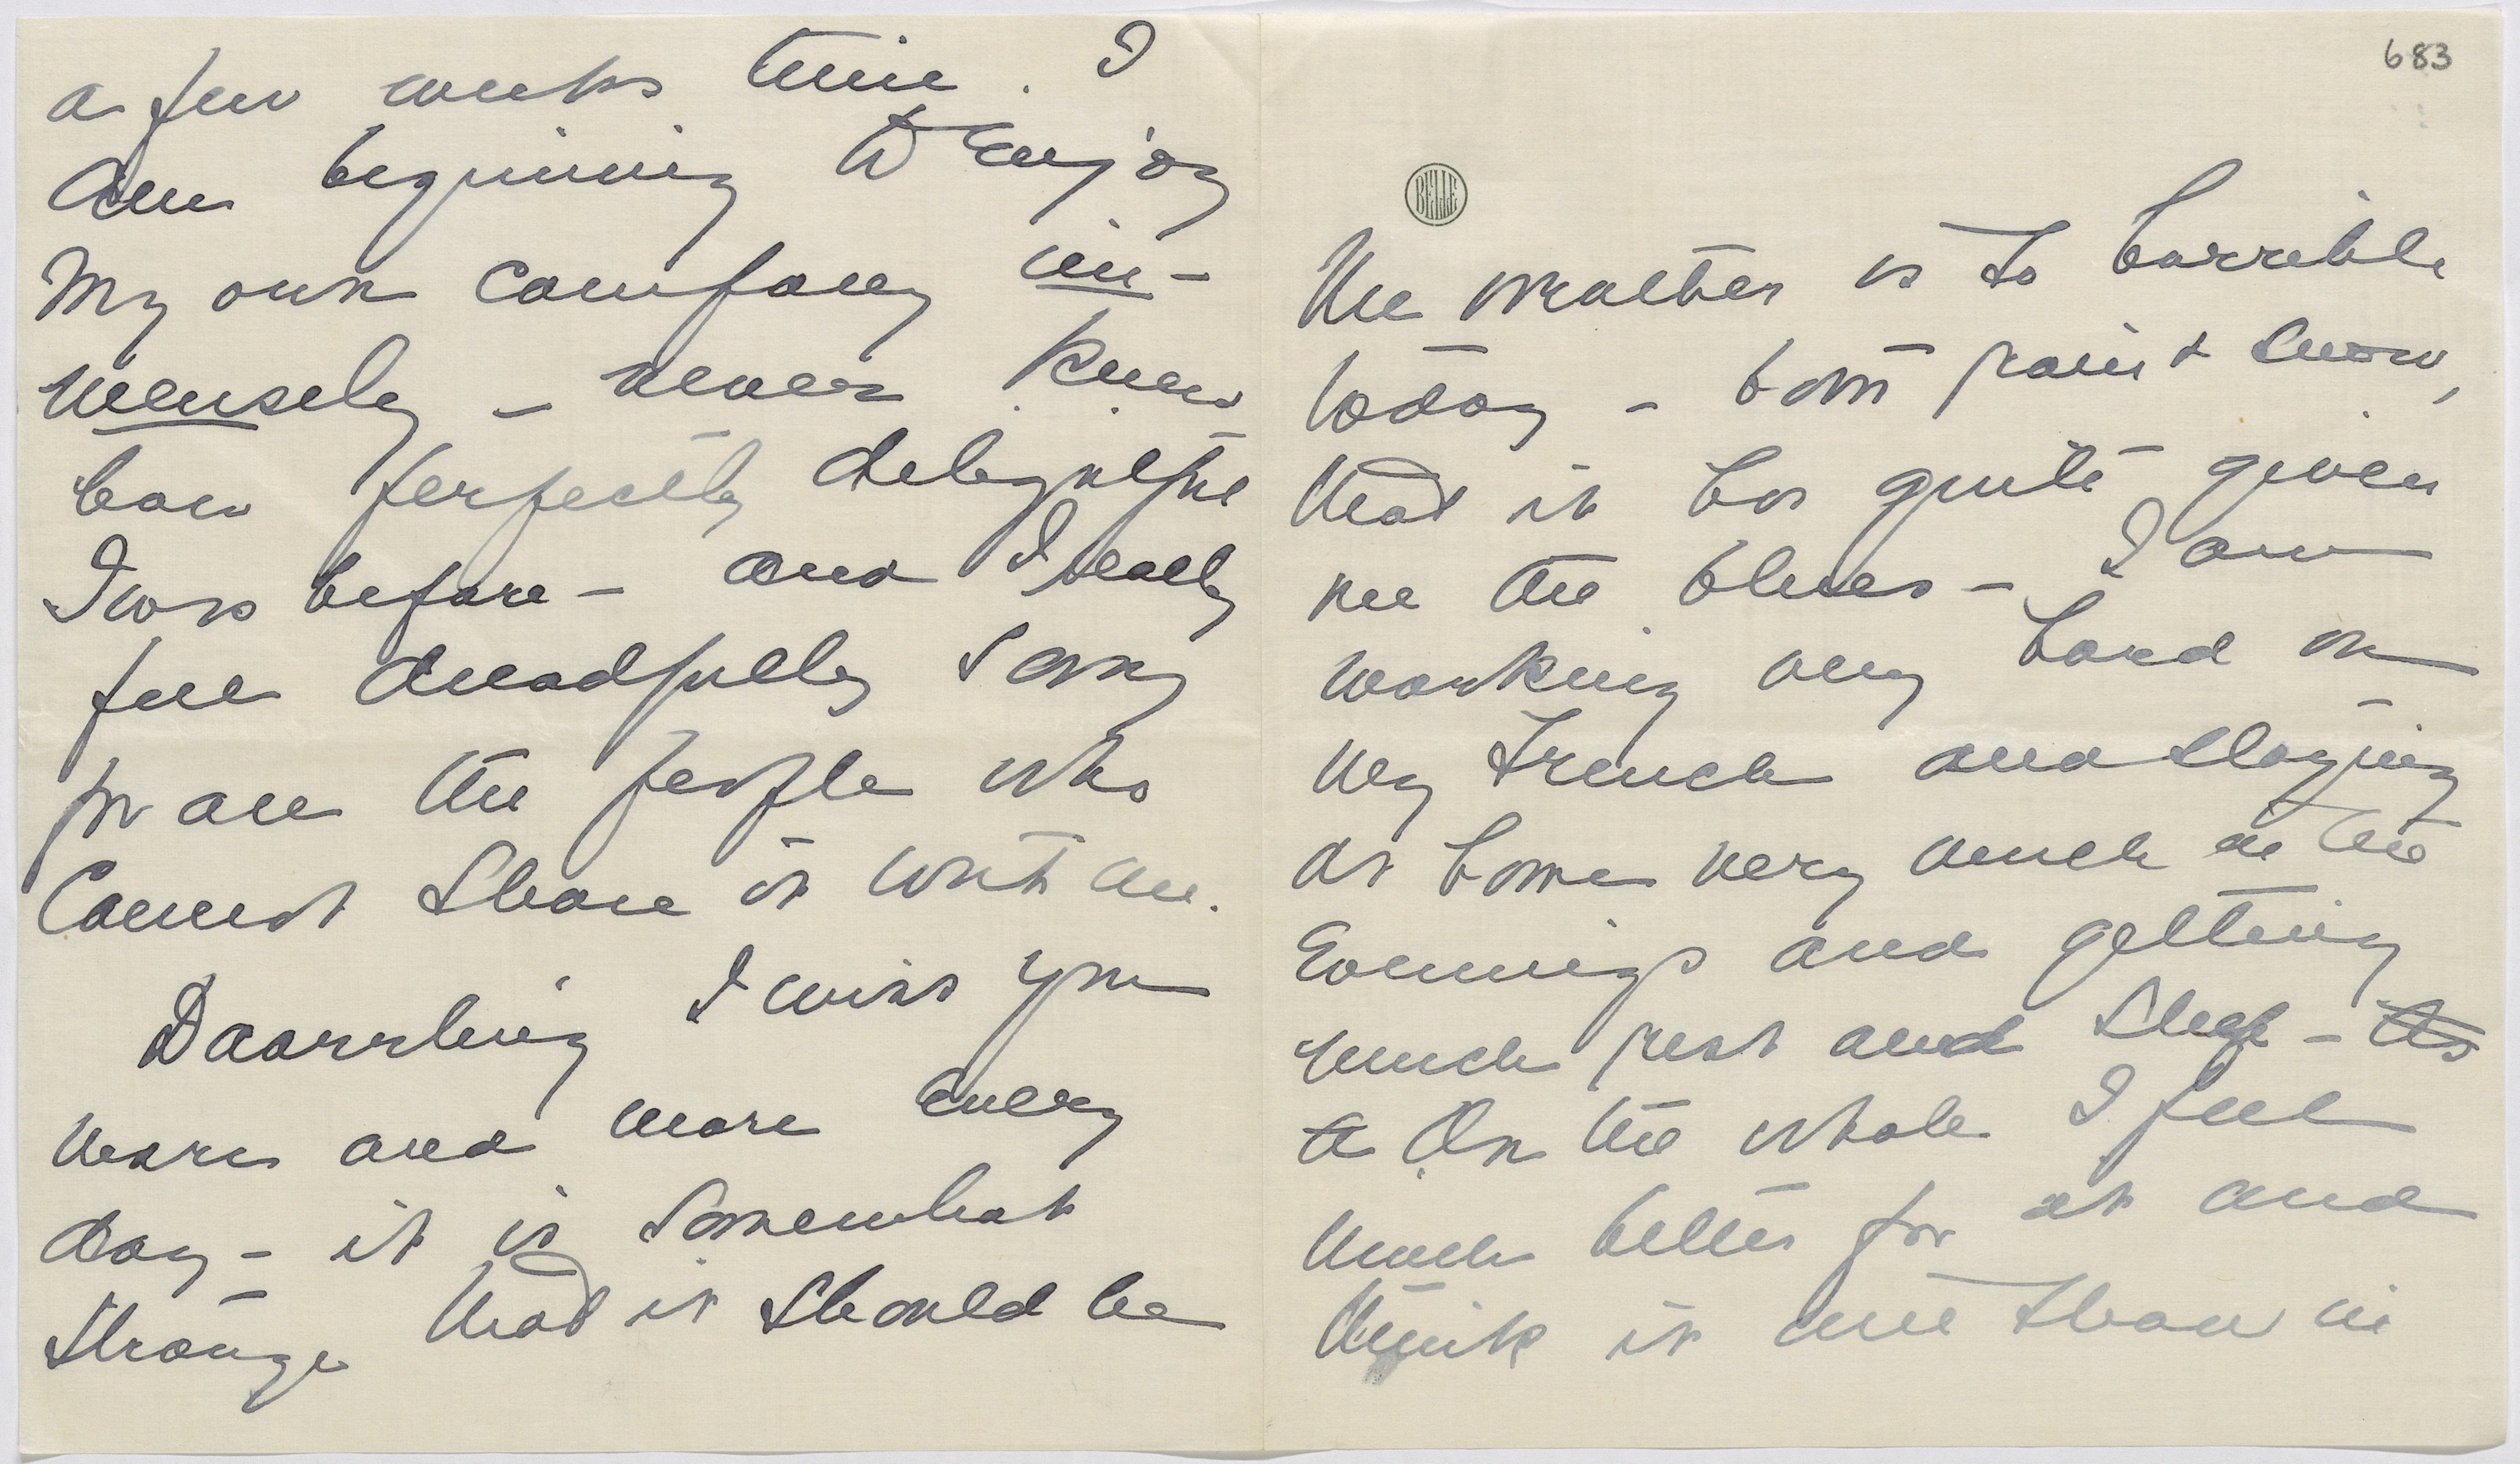The weather is so horrible today – both rain & snow, that it has quite given me the blues – I am working very hard on my French and staying at home very much in the Evenings and getting much rest and sleep – As a On the whole I feel much better for it and think it will show in
a few weeks time. I am beginning to enjoy my own company immensely – never knew how perfectly delightful I was before – and I really feel dreadfully sorry for all the people who cannot share it with me.
Daarrling I miss you more and more every day – it is somewhat strange that it should be